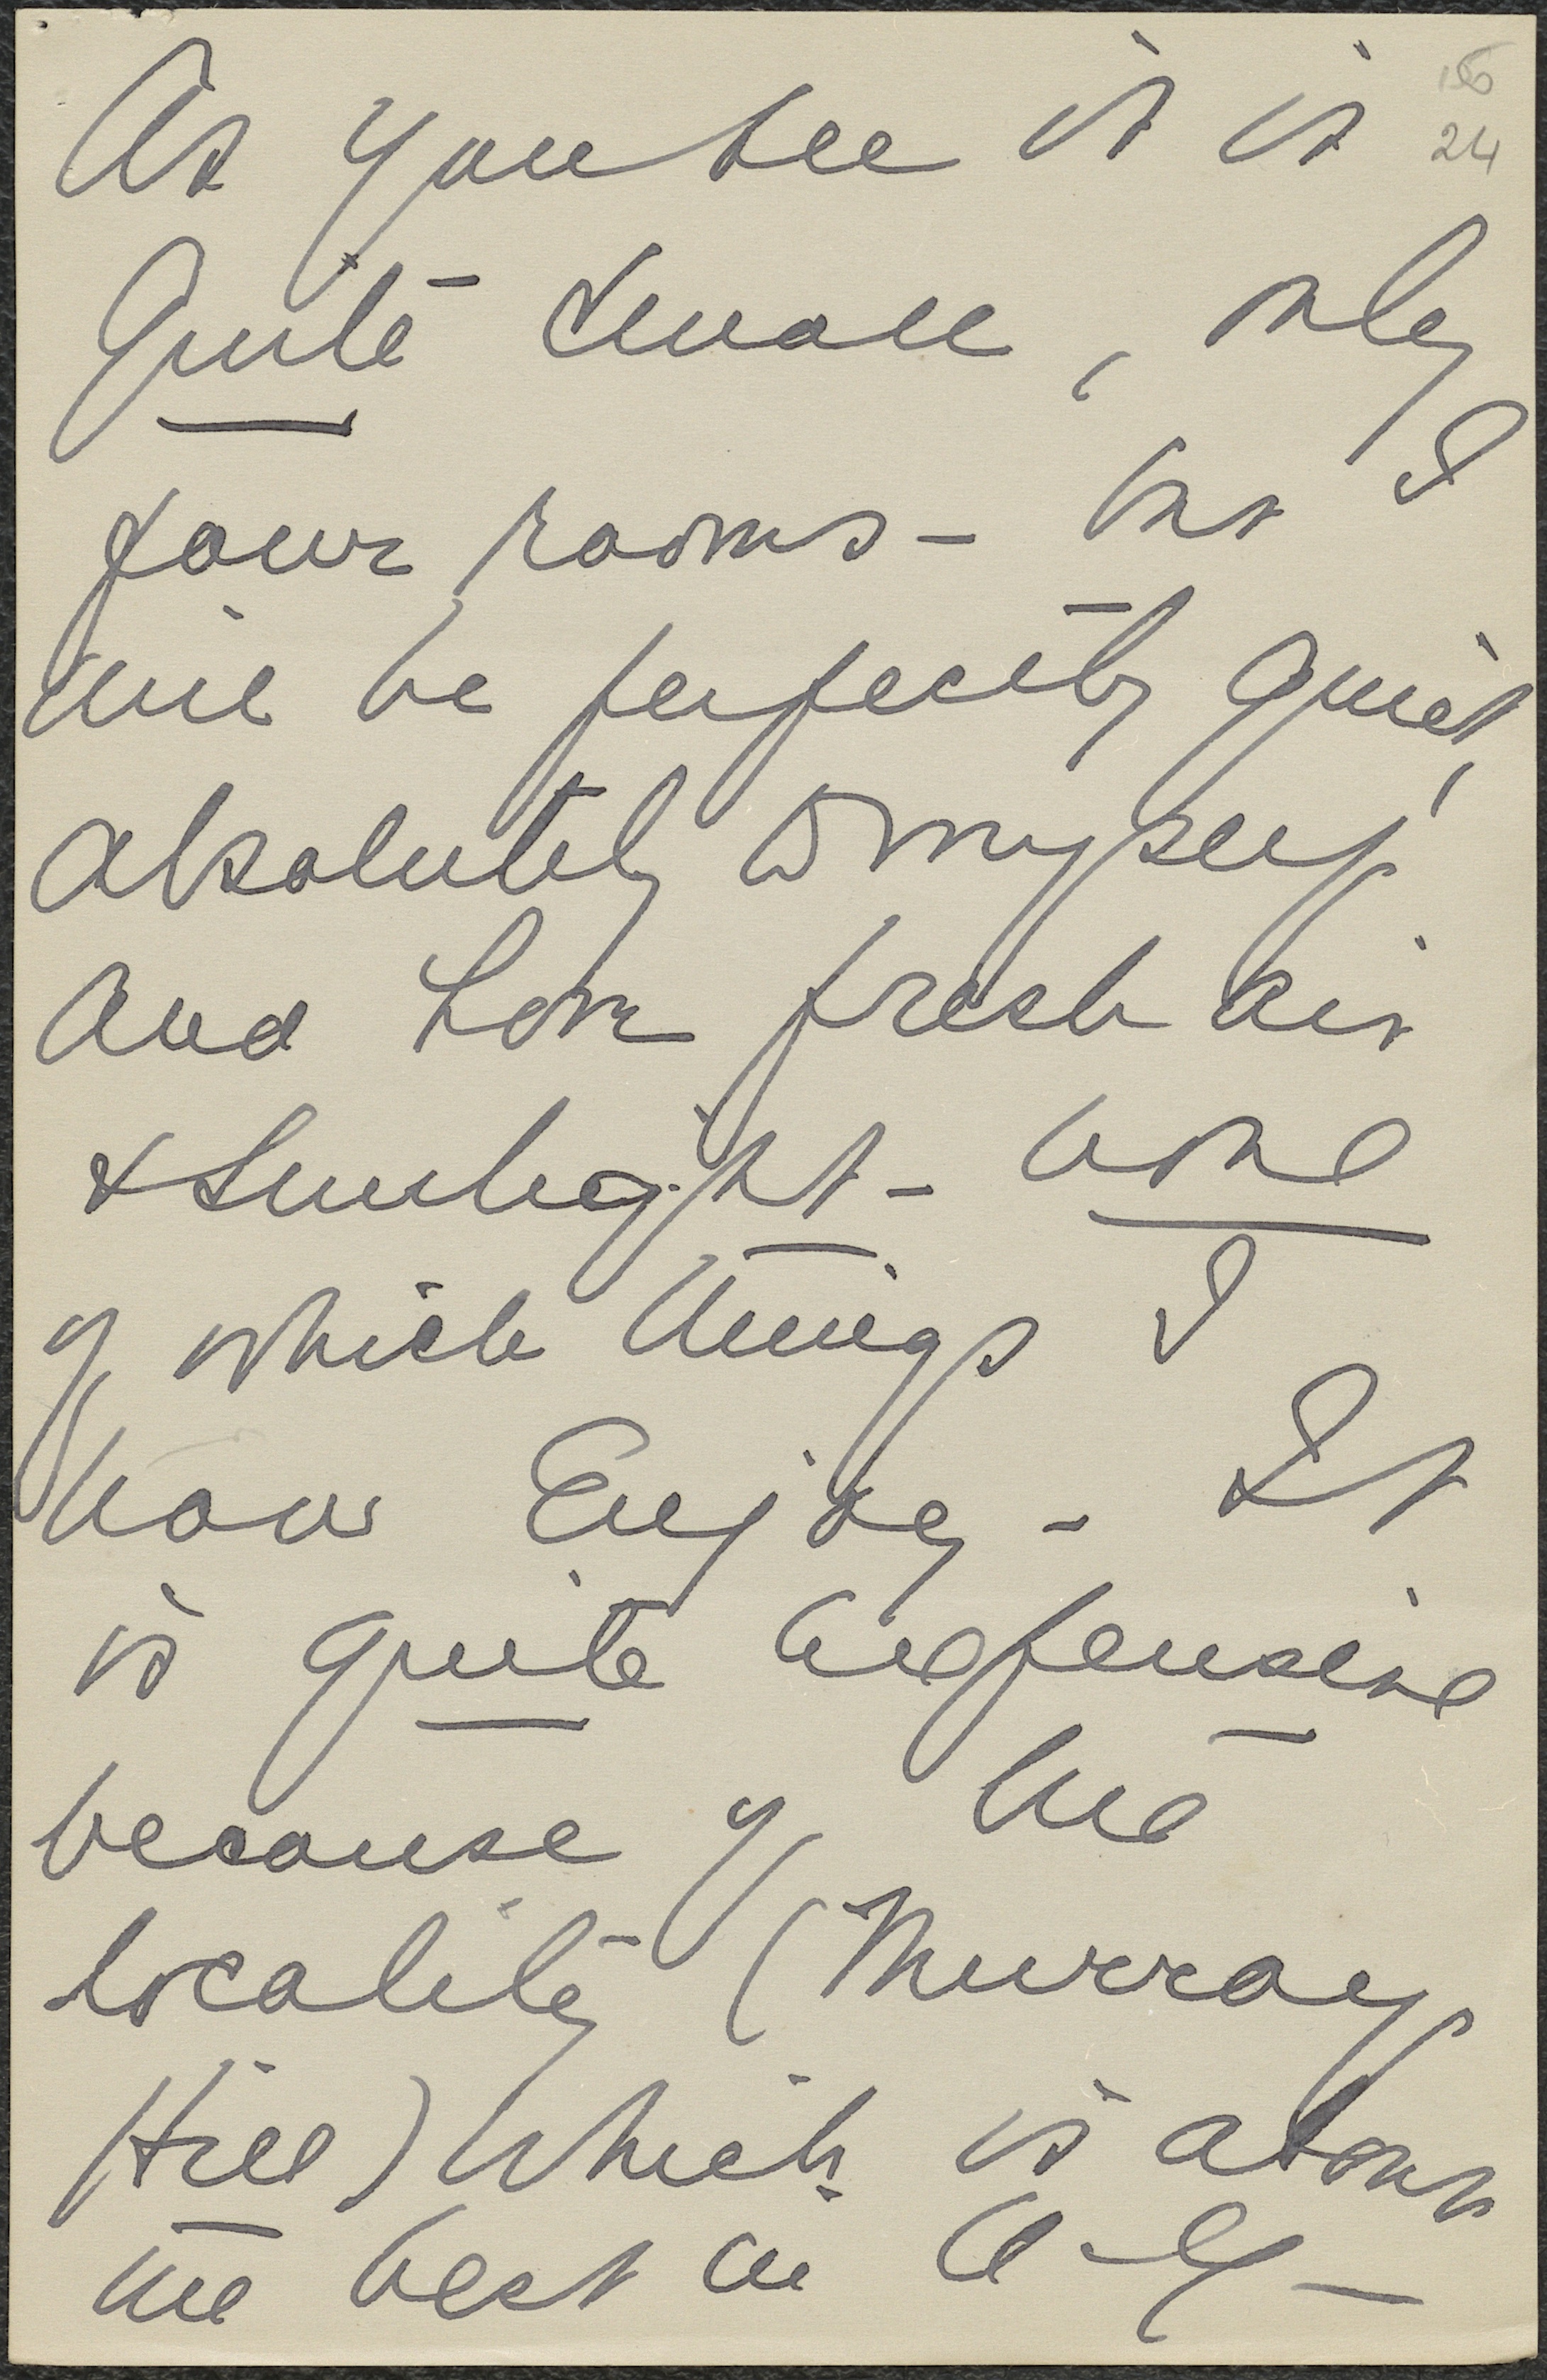As you see it is quite small, only four rooms – but I will be perfectly quiet, absolutely to myself and have fresh air & sunlight – none of which things I now enjoy – It is quite expensive because of the locality (Murray Hill) which is about the best in N. Y –